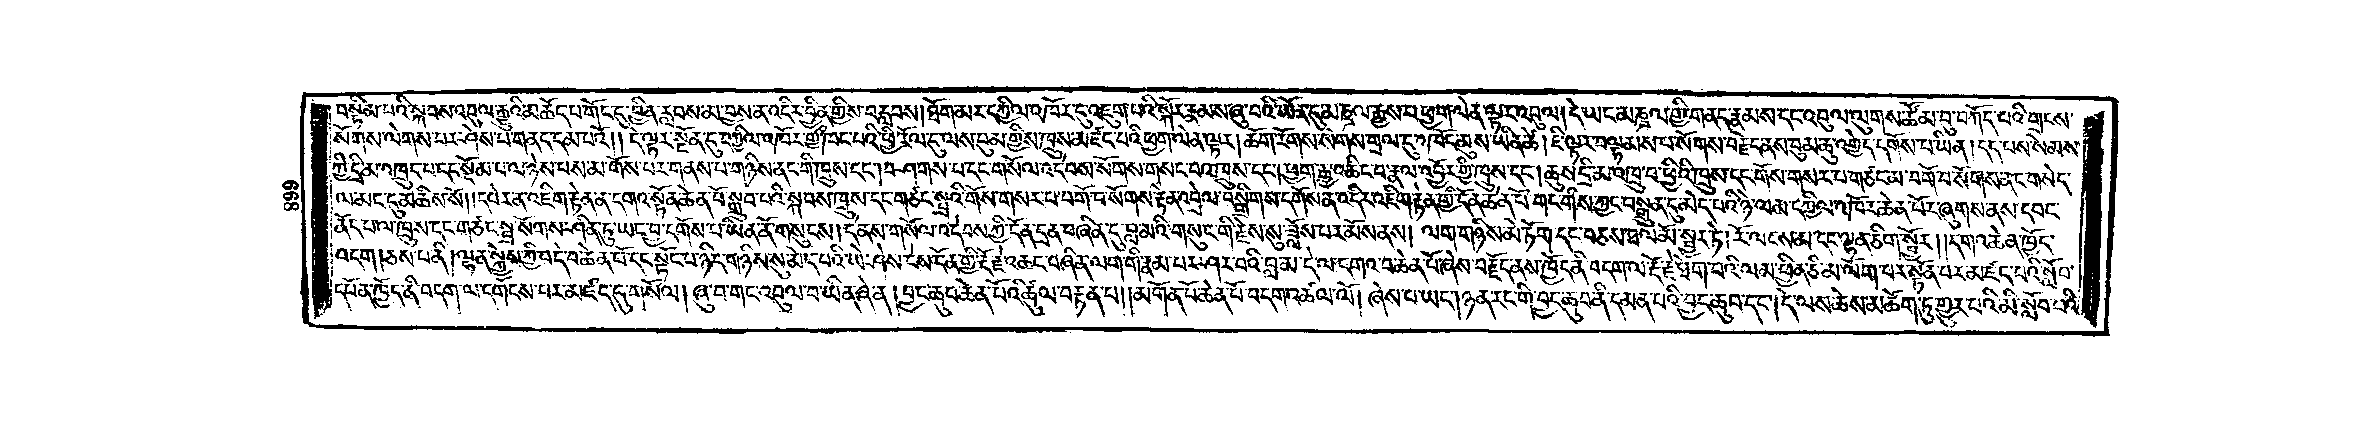བསྟིམ་པའི་སྐབས་འབུལ་རྒྱུའི་མཆོད་པ་གོང་དུ་བྱིན་རླབས་མ་བྱས་ན་འདིར་བྱིན་གྱིས་བརླབས། ཐོག་མར་དཀྱིལ་འཁོར་དུ་འཇུག་པའི་སྐོར་རྣམས་ཞུ་པའི་ཡོན་དུ་མཎྜལ་རྒྱས་པ་ཕྱག་ལེན་ལྟར་འབུལ། དེ་ཡང་མཎྜལ་གྱི་གནད་རྣམས་དང་འབུལ་ལུགས་ཚོམ་བུ་བཀོད་པའི་གྲངས་
སོགས་ལེགས་པར་ཤེས་པ་གནད་དམ་པའོ། །དེ་ལྟར་སྔོན་དུ་དཀྱིལ་འཁོར་གྱི་ཁང་པའི་ཕྱི་རོལ་དུ་ལས་བུམ་གྱིས་ཁྲུས་མཛད་པའི་ཕྱག་ལེན་ལྟར། ཆོག་རོགས་སོགས་གྲལ་དུ་འཁོད་མུས་ཡིན་ཚེ། ཇི་ལྟར་བལྟམས་པ་སོགས་བརྗེད་ནས་བུམ་ཆུ་འགྱེད་དགོས་པ་ཡིན། དད་པས་སེམས་
ཀྱི་དྲི་མ་འཁྲུང་པ་དང་སྡོམ་པ་ལ་ཉེས་པས་མ་གོས་པར་གནས་པ་གཉིས་ནང་གི་ཁྲུས་དང་། བཤགས་པ་དང་གསོལ་འདེབས་སོགས་གསང་བ་འཁྲུས་པ་དང་། ཕྱག་རྒྱ་འཆིང་བ་རྣལ་འབྱོར་གྱི་ཁྲུས་དང་། ཆུས་དྲི་མ་འཁྲུ་བ་ཕྱིའི་ཁྲུས་དང་གོས་གསར་པ་གཙང་མ་བགོ་བ་སོགས་ནང་གསེད་
ལ་མང་དུམ་ཆིས་སོ། །དཔེར་ན་འཇིག་རྟེན་ན་དགའ་སྟོན་ཆེན་པོ་སྒྲུབ་པའི་སྐབས་ཁྲུས་པ་དང་ཙང་སྤྲའི་གོས་གསར་པ་བགོ་བ་སོགས་རྟེན་འབྲེལ་བསྒྲིགས་དགོས་ན་འདིར་འཇིག་རྟེན་གྱི་དོན་ཆེན་པོ་གང་གིས་ཀྱང་བསྒྲུན་དུ་མེད་པའི་ཉེ་ལམ་དཀྱིལ་འཁོར་ཆེན་པོར་ཞུགས་ནས་དབང་
ནོད་པ་ལ་ཁྲུས་དང་གཙང་སྦྲ་སོགས་ཤིན་ཏུ་ཡང་བྱ་དགོས་པ་ཡིན་ནོ་གསུངས། དེ་ནས་གསོལ་འདེབས་ཀྱི་དོན་དྲན་བཞིན་དུ་བླ་མའི་གསུང་གི་རྗེས་སུ་ཟློས་པར་མོས་ནས། ལག་གཉིས་མེ་ཏོག་དང་བཅས་ཐལ་མོ་སྦྱར་ཏེ། རོ་ལངས་མ་དང་ལྷན་ཅིག་སྦྱོར། །དགའ་ཆེན་ཁྱོད་
བདག །ཅས་པ་ནི། ལྷན་སྐྱེས་ཀྱི་བདེ་བ་ཆེན་པོ་དང་སྟོང་པ་ཉིད་གཉིས་སུ་མེད་པའི་ཡེ་ཤེས་ངེས་དོན་གྱི་རྡོ་རྗེ་འཆང་བཞིན་ལག་གི་རྣམ་པར་ཤར་བའི་བླ་མ་དེ་ལ་དགའ་བ་ཆེན་པོ་ཞེས་བརྗོད་ནས་ཁྱོད་ནི་བདག་ལ་རྡོ་རྗེ་ཐོག་བའི་ལམ་ཕྱིན་ཅི་མ་ལོག་པར་སྟོན་པར་མཛད་པའི་སློབ་
དཔོན་ཁྱོད་ནི་བདག་ལ་དགོངས་པར་མཛད་དུ་གསོལ། ཞུ་བ་གང་འབུལ་བ་ཡིན་ཞེ་ན། བྱང་ཆུབ་ཆེན་པོའི་ཚུལ་བརྟན་པ། །མགོན་པོ་ཆེན་པོ་བདག་འཚལ་ལོ། ཞེས་པ་ཡང་། ཉན་རང་གི་བྱང་ཆུབ་ནི་དམན་པའི་བྱང་ཆུབ་དང་། དེ་ལས་ཆེས་མཆོག་ཏུ་གྱུར་པའི་མི་སློབ་པའི་